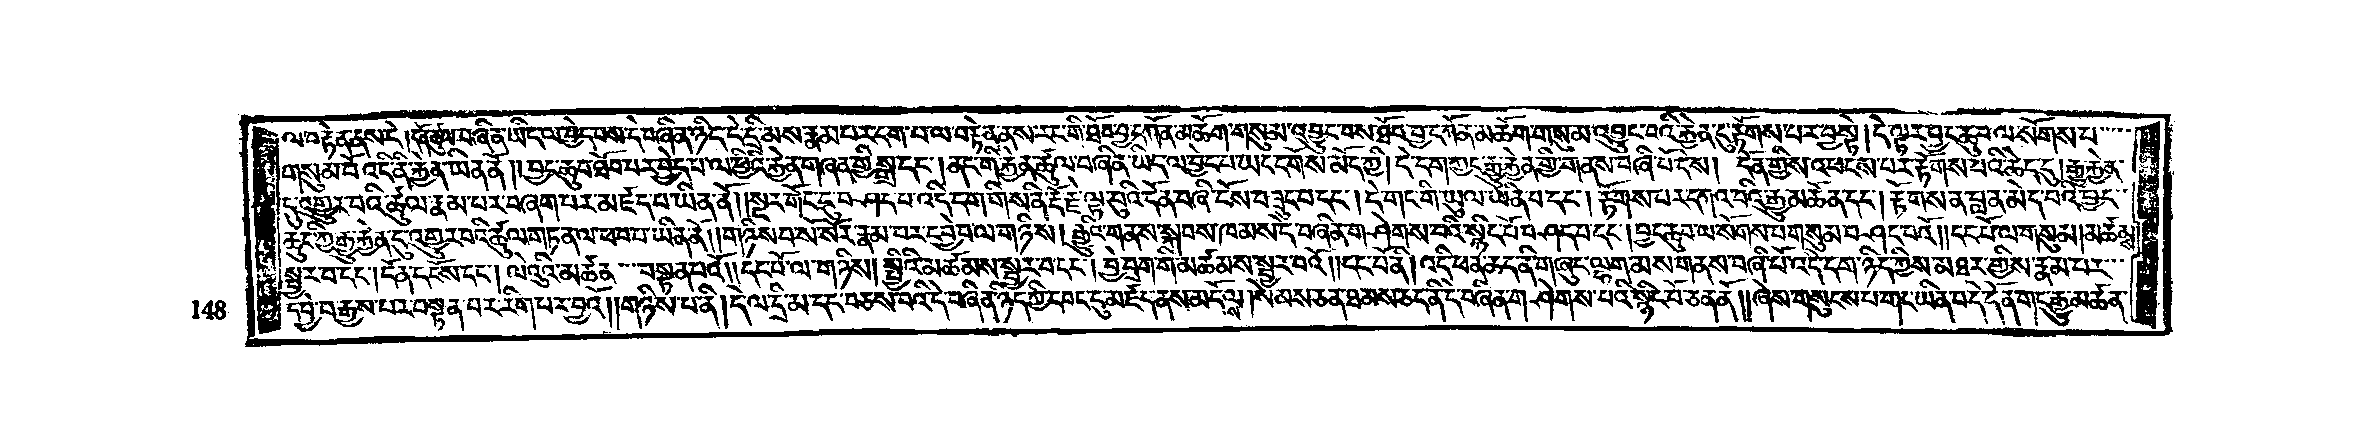ལ་བརྟེན་ནས་དེ། དོན་ཚུལ་བཞིན་ཡིད་ལ་བྱེད་པས་དེ་བཞིན་ཉིད་དེ་དྲི་མས་རྣམ་པར་དག་པ་ལ་བརྟེན་ནས་རང་གི་ཐོབ་བྱ་དཀོན་མཆོག་གསུམ་འབྱུང་བས་ཐོབ་བྱ་དཀོན་མཆོག་གསུམ་འབྱུང་བའི་རྐྱེན་དུ་རྟོགས་པར་བྱ་སྟེ། དེ་ལྟར་བྱང་ཆུབ་ལ་སོགས་པ་
གསུམ་པོ་འདི་ནི་རྐྱེན་ཡིན་ནོ། །བྱང་ཆུབ་ཐོབ་པར་བྱེད་པ་ལ་ཕྱིའི་རྐྱེན་གཞན་གྱི་སྒྲ་དང་། ནང་གི་རྐྱེན་ཚུལ་བཞིན་ཡིད་ལ་བྱེད་པ་ཡང་དགོས་མོད་ཀྱི། དེ་དག་ཀྱང་རྒྱུ་རྐྱེན་གྱི་གནས་བཞི་པོ་དེས། དོན་གྱིས་འཕངས་པར་རྟོགས་པའི་ཆེད་དུ། རྒྱུ་རྐྱེན་
དུ་འགྱུར་བའི་ཚུལ་རྣམ་པར་བཞག་པར་མཛད་པ་ཡིན་ནོ། །སྔར་གོང་དུ་བཤད་པ་འདི་དག་གིས་ནི་རྡོ་རྗེ་ལྟ་བུའི་དོན་བཞི་ངོས་བཟུང་བ་དང་། དེ་གང་གི་ཡུལ་ཡིན་པ་དང་། རྟོགས་པར་དཀའ་བའི་རྒྱུ་མཚོན་དང་། རྟོགས་ན་བླ་ན་མེད་པའི་བྱང་
ཆུབ་ཀྱི་རྒྱུ་རྐྱེན་དུ་འགྱུར་བའི་ཚུལ་གཏན་ལ་ཕབ་པ་ཡིན་ནོ། །གཉིས་པ་སོ་སོར་རྣམ་པར་དབྱེ་བ་ལ་གཉིས། རྒྱུའི་གནས་སྐབས་ཁམས་དེ་བཞིན་གཤེགས་པའི་སྙིང་པོ་བཤད་པ་དང་། བྱང་ཆུབ་ལ་སོགས་པ་གསུམ་བཤད་པའོ། །དང་པོ་ལ་གསུམ། མཚམས་
སྦྱར་བ་དང་། དོན་དངོས་དང་། ལེའུའི་མཚན་བསྟན་པའོ། །དང་པོ་ལ་གཉིས། སྤྱིའི་མཚམས་སྦྱར་བ་དང་། བྱེ་བྲག་གི་མཚམས་སྦྱར་བའོ། །དང་པོ་ནི། འདི་ཕན་ཆད་ནི་གཞུང་ལྷག་མས་གནས་བཞི་པོ་འདི་དག་ཉིད་ཀྱིས་མཐར་གྱིས་རྣམ་པར་
དབྱེ་བ་རྒྱས་པར་བསྟན་པར་རིག་པར་བྱའོ། །གཉིས་པ་ནི། དེ་ལ་དྲི་མ་དང་བཅས་པའི་དེ་བཞིན་ཉིད་ཀྱི་དབང་དུ་མཛད་ནས་མདོ་ལས། སེམས་ཅན་ཐམས་ཅད་ནི་དེ་བཞིན་གཤེགས་པའི་སྙིང་པོ་ཆེན་ནོ། །ཞེས་གསུངས་པ་གང་ཡིན་པ་དེ་དོན་གང་རྒྱུ་མཚན་